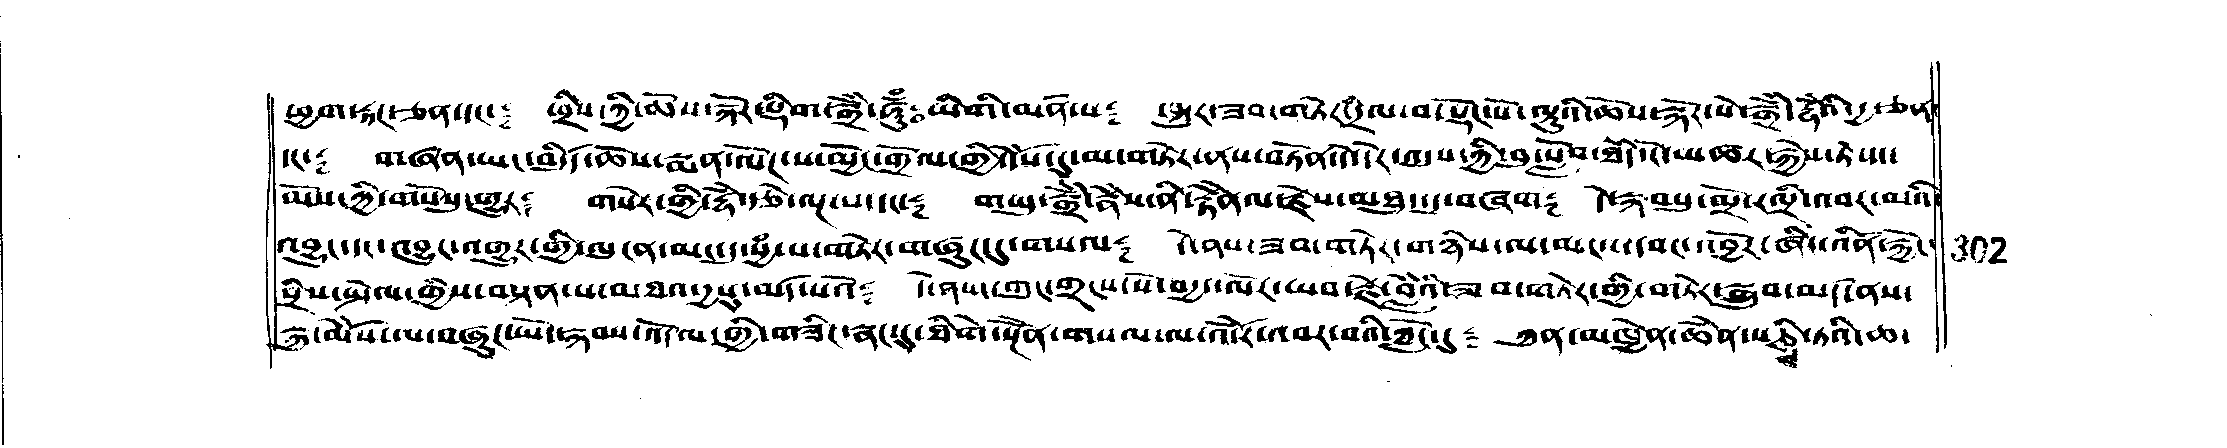ཕྱག་རྟགས་ཅན་དང་།ཕྲིན་ལས་ཀྱི་ཆོས་སྐོར་སྡིག་སྒྲོམ་ཧཱུྃཿཡིག་གི་མཚན་པ་ལྟ་བུར་ཟབ་གཏེར་དྲིལ་བ་སྡོང་པོ་ལྟ་བུའི་ཆོས་སྐོར་སེ་སྒྲོམ་རྡོ་རྗེའི་རྒྱ་ཅན་
དང་། གཞན་ཡང་བདུད་རྩི་ཆོས་སྨན་ལ་སོགས་པ་མྱོང་གྲོལ་གྱི་དམ་ཆོས་དུ་མ་གཏེར་ནས་བཏོན་དེ་དེར་འདུས་ཀྱི་བུ་སློབ་ཐམས་ཅད་ངོ་མཚར་སྐྱེས་ཏེ་དད་
མོས་ཀྱི་གསོས་སུ་གྱུར། གསེར་གྱི་རྡོ་རྗེ་རྩེ་ལྔ་པ་དང་། གཡུ་སྒྲོམ་རྣམས་ནི་རྟེན་འབྲེལ་རྗེས་མཐུད་དུ་བཞག དེ་སྐབས་སུ་མཁའ་འགྲོ་རལ་གྲི་འབར་མའི་
འབྱུང་དང་འབྱུང་འགྱུར་གྱི་ལུང་བསྟན་མང་དུ་གསུངས་པ་གཏེར་གཞུང་དུ་གསལ། དེ་ནས་ཟབ་གཏེར་གཉིས་ལ་མངའ་དབང་འབྱོར་ཞིང་འཛིན་སྐྱོང་
བྲིས་སྤེལ་གྱིས་བསྟན་པ་མཐའ་རྒྱས་སུ་མཛད་པའོ། དེ་ནས་དགུང་གྲངས་སོ་བརྒྱད་ལོར་ཡབ་རྗེ་བླ་མའི་ཟབ་གཏེར་གྱི་གཏེར་སྒྲུབ་མཛད་ནས་
སྐུ་མཚམས་ལ་བཞུགས་ཡོད་སྐབས་འོད་གསལ་གྱི་གཟིགས་སྣང་དུ་ཐིག་ལེ་སྔོན་པོ་གསལ་ལ་འོད་ཟེར་འབར་བའི་ཀློང་དུ། ཀུན་མཁྱེན་ཆེན་པོ་པཎྜི་ཏའི་ཆ་